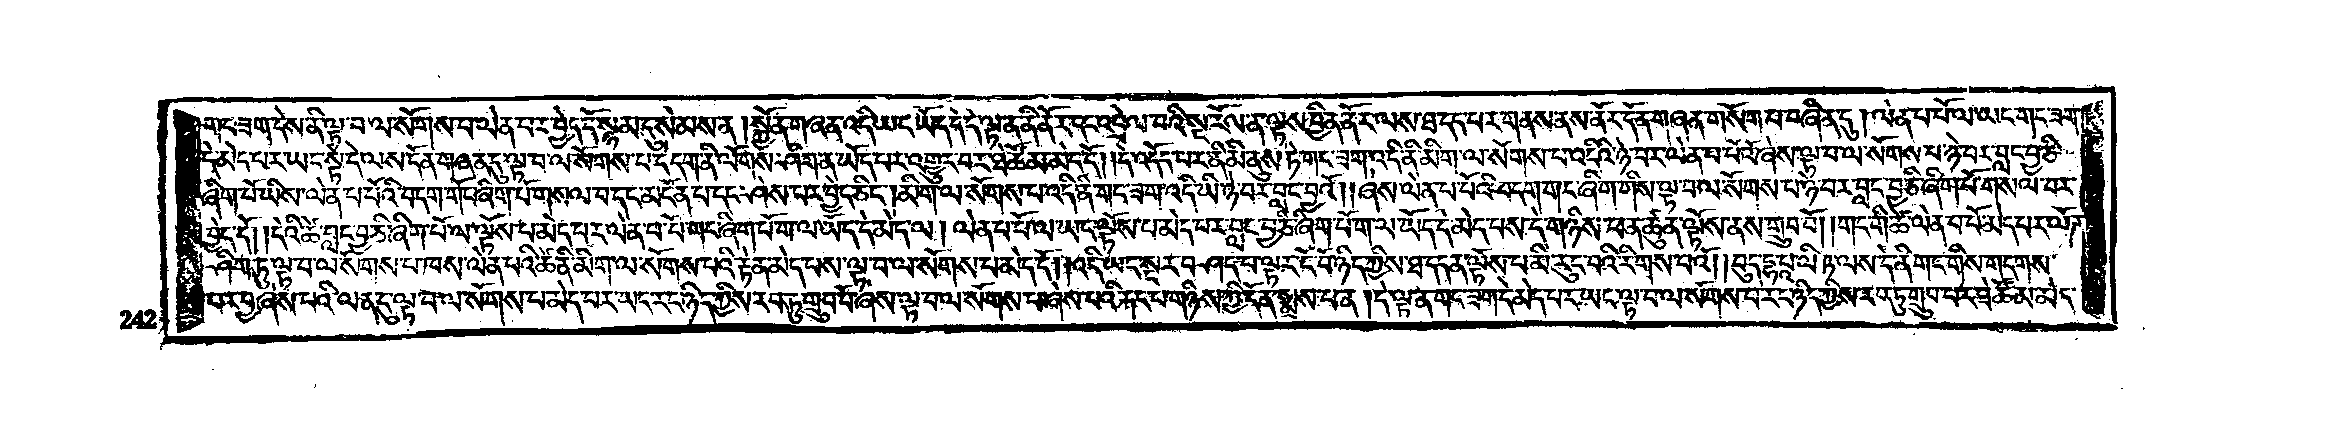གང་ཟག་དེས་ནི་ལྟ་བ་ལ་སོགས་པ་ལེན་པར་བྱེད་དོ་སྙམ་དུ་སེམས་ན། སྐྱོན་གཞན་འདི་ཡང་ཡོད་དེ་དེ་ལྟ་ན་ནི་ནོར་དང་འབྲེལ་བའི་སྔ་རོལ་ན་ལྷས་བྱིན་ནོར་ལས་ཐ་དད་པར་གནས་ནས་ནོར་དོན་གཞན་གསོག་པ་བཞིན་དུ། ལེན་པ་པོ་ལ་ཡང་གང་ཟག་
དེ་མེད་པར་ཡང་སྟེ་དེ་ལས་དོན་གཞན་དུ་ལྟ་བ་ལ་སོགས་པ་དེ་དག་ནི་ལོགས་ཤིག་ན་ཡོད་པར་འགྱུར་བར་ཐེ་ཚོམ་མེད་དོ། །དེ་འདོད་པར་ནི་མི་ནུས་ཏེ་གང་ཟག་འདི་ནི་མིག་ལ་སོགས་པ་འདིའི་ཉེ་བར་ལེན་པའོ་ཞེས་ལྟ་བ་ལ་སོགས་པ་ཉ་བར་བླང་བྱ་ཅི་
ཞིག་པོ་ཡིས་ལེན་པ་པོའི་བདག་གང་ཞིག་པོ་གསལ་བ་དང་མངོན་པ་དང་ཤེས་པར་བྱེད་ཅིང་། མིག་ལ་སོགས་པ་འདི་ནི་གང་ཟག་འདི་ཡི་ཉེ་བར་བླང་བྱའོ། ཞེས་ལེན་པ་པོའི་བདག་གང་ཞིག་གིས་ལྟ་བ་ལ་སོགས་པ་ཉེ་བར་བླང་བྱ་ཅི་ཞིག་པོ་གསལ་བར་
བྱེད་དོ། །དེའི་ཚེ་བླང་བྱ་ཅི་ཞིག་པོ་ལ་ལྟོས་པ་མེད་པར་ལེན་པ་པོ་གང་ཞིག་པོ་ག་ལ་ཡོད་དེ་མེད་ལ། ལེན་པ་པོ་ལ་ཡང་ལྟོས་པ་མེད་པར་བླང་བྱ་ཅི་ཞིག་པོ་ག་ལ་ཡོད་དེ་མེད་པས་དེ་གཉིས་ཕན་ཚུན་ལྟོས་ནས་གྲུབ་བོ། །གང་གི་ཚེ་ལེན་པ་པོ་མེད་པར་ལོཌ་
ཤིག་ཏུ་ལྟ་བ་ལ་སོགས་པ་ཁས་ལེན་པའི་ཚེ་ནི་མིག་ལ་སོགས་པའི་རྟེན་མེད་པས་ལྟ་བ་ལ་སོགས་པ་མེད་དོ། །འདི་ཡང་སྔར་བཤད་པ་ལྟར་ངོ་བོ་ཉིད་ཀྱིས་ཐ་དད་ན་ལྟོས་པ་མི་རུང་བའི་རིགས་པའོ། །བུདྡྷ་པཱ་ལི་ཏ་ལས་དེ་ནི་གང་གིས་གདགས་
པར་བྱ་ཞེས་པའི་ལན་དུ་ལྟ་བ་ལ་སོགས་པ་མེད་པར་ཡང་རང་ཉིད་ཀྱིས་རབ་ཏུ་གྲུབ་པོ་ཞེས་ལྟ་བ་ལ་སོགས་པ་ཞེས་པའི་རྐང་པ་གཉིས་ཀྱི་དོན་སྨྲས་པ་ན། དེ་ལྟ་ན་གང་ཟག་དེ་མེད་པར་ཡང་ལྟ་བ་ལ་སོགས་པ་རང་ཉིད་ཀྱིས་རབ་ཏུ་གྲུབ་པར་ཐེ་ཚོམ་མེད་